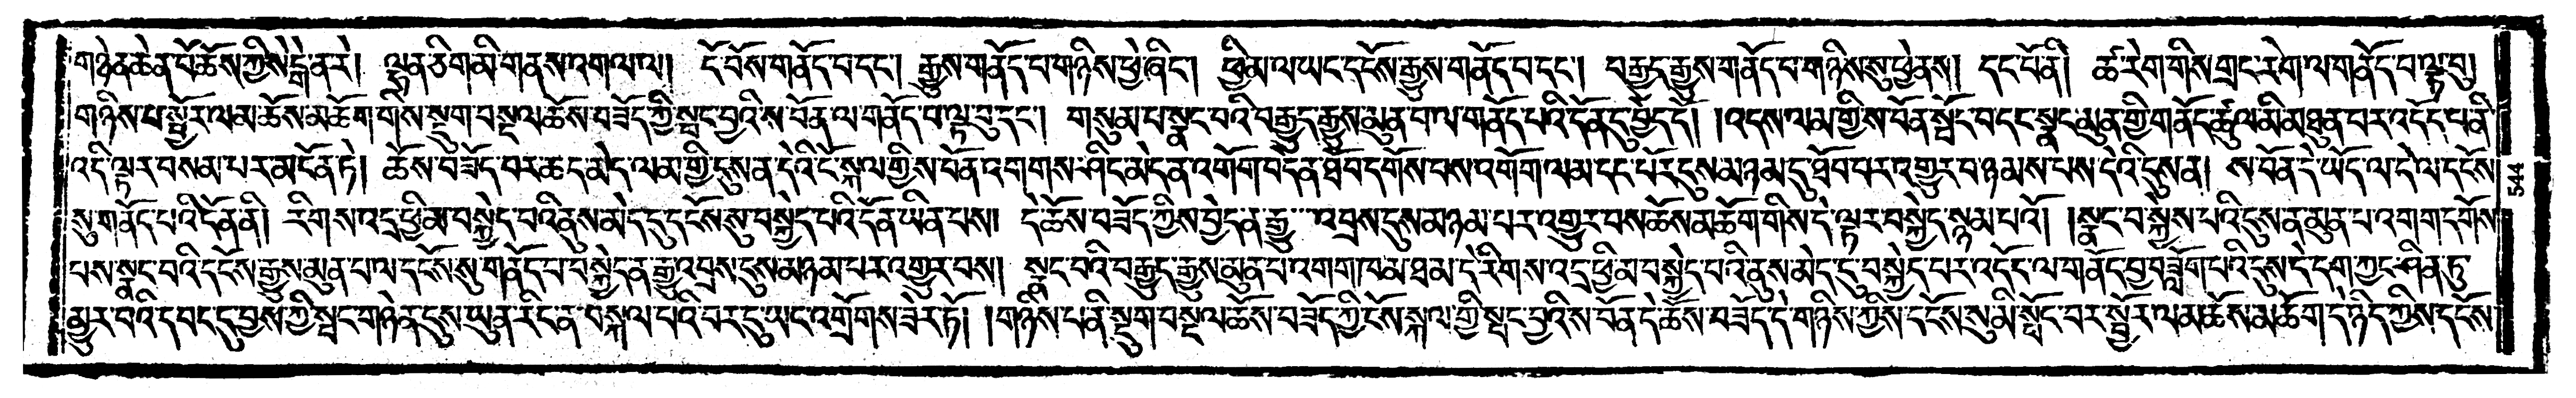གཉེན་ཆེན་པོ་ཆོས་ཀྱི་སེངྒེ་ན་རེ། ལྷན་ཅིག་མི་གནས་འགལ་ལ། ངོ་བོས་གནོད་པ་དང་། རྒྱུས་གནོད་པ་གཉིས་ཕྱེ་ཞིང་། ཕྱི་མ་ལ་ཡང་དངོས་རྒྱུས་གནོད་པ་དང་། བརྒྱུད་རྒྱུས་གནོད་པ་གཉིས་སུ་ཕྱེ་ནས། དང་པོ་ནི། ཚ་རེག་གིས་གྲང་རེག་ལ་གནོད་པ་ལྟ་བུ།
གཉིས་པ་སྦྱོར་ལམ་ཆོས་མཆོག་གིས་སྡུག་བསྔལ་ཆོས་བཟོད་ཀྱི་སྤང་བྱའི་ས་བོན་ལ་གནོད་པ་ལྟ་བུ་དང་། གསུམ་པ་སྣང་བའི་བརྒྱུད་རྒྱུས་མུན་པ་ལ་གནོད་པའི་དོན་དུ་བྱེད་དོ། །འདས་ལམ་གྱི་ས་བོན་སྤོང་བ་དང་སྣང་མུན་གྱི་གནོད་ཚུལ་མི་མཐུན་པར་འདོད་པ་ནི་
འདི་ལྟར་བསམ་པར་མངོན་ཏེ། ཆོས་བཟོད་བར་ཆད་མེད་ལམ་གྱི་དུས་ན་དེའི་ངོ་སྐལ་གྱི་ས་བོན་འགགས་ཤིང་མེད་ན་འགོག་བདེན་ཐོབ་དགོས་པས་འགོག་ལམ་དང་པོར་དུས་མཉམ་དུ་ཐོབ་པར་འགྱུར་བ་ཉམས་པས་དེའི་དུས་ན། ས་བོན་དེ་ཡོད་ལ་དེ་ལ་དངོས་
སུ་གནོད་པའི་དོན་ནི། རིགས་འདྲ་ཕྱི་མ་བསྐྱེད་པའི་ནུས་མེད་དུ་དངོས་སུ་བསྐྱེད་པའི་དོན་ཡིན་པས། དེ་ཆོས་བཟོད་ཀྱིས་བྱེད་ན་རྒྱུ་འབྲས་དུས་མཉམ་པར་འགྱུར་བས་ཆོས་མཆོག་གིས་དེ་ལྟར་བསྐྱེད་སྙམ་པའོ། །སྣང་བ་སྐྱེས་པའི་དུས་ན་མུན་པ་འགག་དགོས་
པས་སྣང་བའི་དངོས་རྒྱུས་མུན་པ་ལ་དངོས་སུ་གནོད་པ་བསྐྱེད་ན་རྒྱུ་འབྲས་དུས་མཉམ་པར་འགྱུར་བས། སྣང་བའི་བརྒྱུད་རྒྱུས་མུན་པ་འགག་ཁ་མ་ཐ་མ་དེ་རིགས་འདྲ་ཕྱི་མ་བསྐྱེད་པའི་ནུས་མེད་དུ་བསྐྱེད་པར་འདོད་ལ་གནོད་བྱ་བཟློག་པའི་དུས་དེ་དག་ཀྱང་ཤིན་ཏུ་
མྱུར་བའི་དབང་དུ་བྱས་ཀྱི་སྤང་གཉེན་དུས་ཡུན་རིང་ན་བསྐལ་པའི་བར་དུ་ཡང་འགྲོགས་ཟེར་ཏོ། །གཉིས་པ་ནི་སྡུག་བསྔལ་ཆོས་བཟོད་ཀྱི་ངོས་སྐལ་གྱི་སྤང་བྱའི་ས་བོན་དེ་ཆོས་བཟོད་དེ་གཉིས་ཀྱིས་དངོས་སུ་མི་སྤོང་བར་སྦྱོར་ལམ་ཆོས་མཆོག་དེ་ཉིད་ཀྱིས་དངོས་